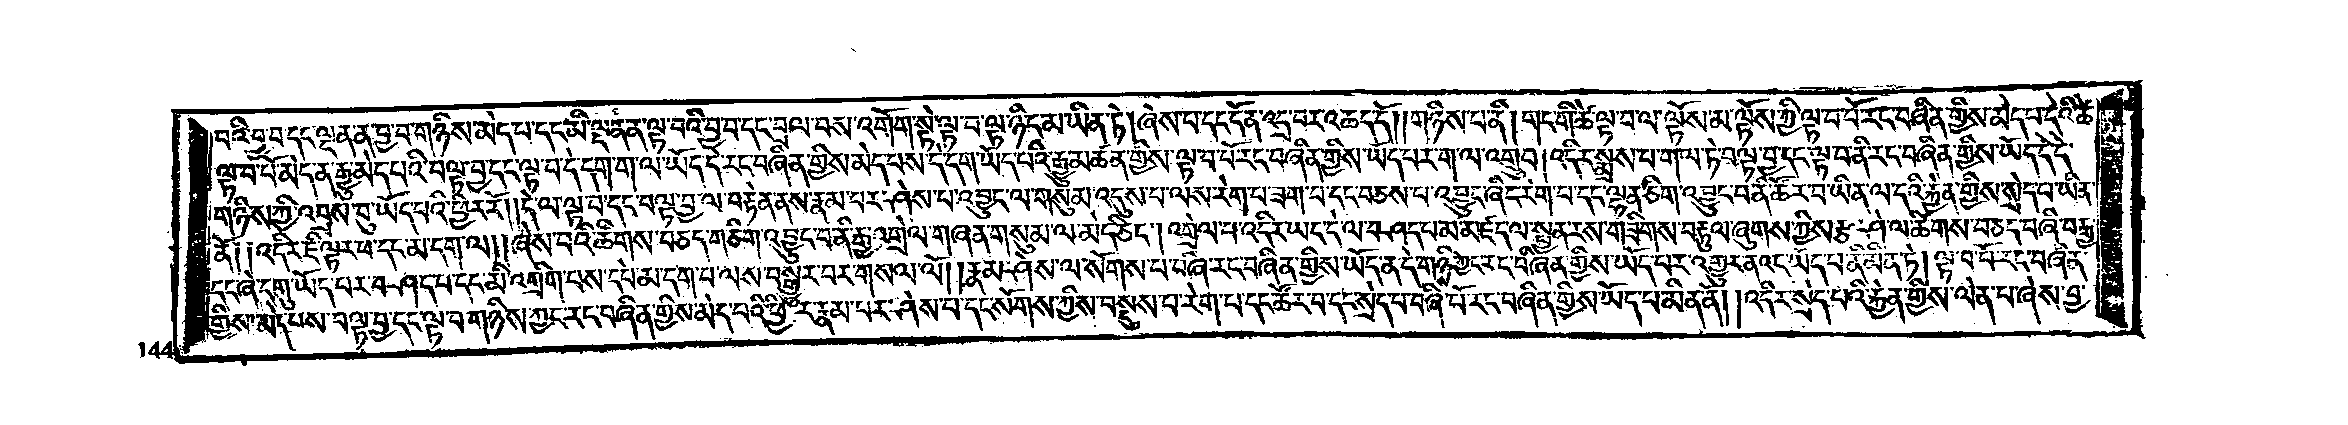བའི་བྱ་བ་དང་ལྡན་ན་བྱ་བ་གཉིས་མེད་པ་དང་མི་ལྡན་ན་ལྟ་བའི་བྱ་བ་དང་བྲལ་བས་འགོག་སྟེ་ལྟ་བ་ལྟ་ཉིད་མ་ཡིན་ཏེ། ཞེས་པ་དང་དོན་འདྲ་བར་འཆད་དོ། །གཉིས་པ་ནི། གང་གི་ཆེ་ལྟ་བ་ལ་ལྟོས་མ་ལྟོས་ཀྱི་ལྟ་བ་པོ་རང་བཞིན་གྱིས་མེད་པ་དེའི་ཚེ་
ལྟ་བ་པོ་མེད་ན་རྒྱུ་མེད་པའི་བལྟ་བྱ་དང་ལྟ་བ་དེ་དག་ག་ལ་ཡོད་དེ་རང་བཞིན་གྱིས་མེད་པས་དེ་དག་ཡོད་པའི་རྒྱུ་མཚན་གྱིས་ལྟ་བ་པོ་རང་བཞིན་གྱིས་ཡོད་པར་ག་ལ་འགྲུབ། འདིར་སྨྲས་པ་གལ་ཏེ་བལྟ་བྱ་དང་ལྟ་བ་ནི་རང་བཞིན་གྱིས་ཡོད་དེ་དེ་
གཉིས་ཀྱི་འབྲས་བུ་ཡོད་པའི་ཕྱིར་རོ། །དེ་ལ་ལྟ་བ་དང་བལྟ་བྱ་ལ་བརྟེན་ནས་རྣམ་པར་ཤེས་པ་འབྱུང་ལ་གསུམ་འདུས་པ་ལས་རེག་པ་ཟག་པ་དང་བཅས་པ་འབྱུང་ཞིང་རེག་པ་དང་ལྷན་ཅིག་འབྱུང་བ་ནི་ཚོར་བ་ཡིན་ལ་དེའི་རྐྱེན་གྱིས་སྲེད་པ་ཡིན་
ནོ༑ ༑འདིར་ཇི་ལྟར་ཕ་དང་མ་དག་ལ། །ཞེས་པའི་ཚིགས་བཅད་གཅིག་འབྱུང་བ་ནི་རྒྱ་འགྲེལ་གཞན་གསུམ་ལ་མེད་ཅིང་། འགྲེལ་པ་འདིར་ཡང་དེ་ལ་བཤད་པ་མ་མཛད་ལ་སྤྱན་རས་གཟིགས་བརྟུལ་ཞུགས་ཀྱིས་རྩ་ཤེ་ལ་ཚིགས་བཅད་བཞི་བརྒྱ་
དང་ཞེ་དགུ་ཡོད་པར་བཤད་པ་དང་མི་འགྲིག་པས་དཔེ་མ་དག་པ་ལས་བསྒྱུར་བར་གསལ་ལོ། །རྣམ་ཤེས་ལ་སོགས་པ་བཞི་རང་བཞིན་གྱིས་ཡོད་ན་དེ་གཉིས་ཀྱང་རང་བཞིན་གྱིས་ཡོད་པར་འགྱུར་ནའང་ཡོད་པ་ནི་མིན་ཏེ། ལྟ་བ་པོ་རང་བཞིན་
གྱིས་མེད་པས་བལྟ་བྱ་དང་ལྟ་བ་གཉིས་ཀྱང་རང་བཞིན་གྱིས་མེད་པའི་ཕྱིར་རྣམ་པར་ཤེས་པ་དང་སོགས་ཀྱིས་བསྡུས་པ་རེག་པ་དང་ཚོར་བ་དང་སྲེད་པ་བཞི་པོ་རང་བཞིན་གྱིས་ཡོད་པ་མིན་ནོ། །འདིར་སྲེད་པའི་རྐྱེན་གྱིས་ལེན་པ་ཞེས་བྱ་